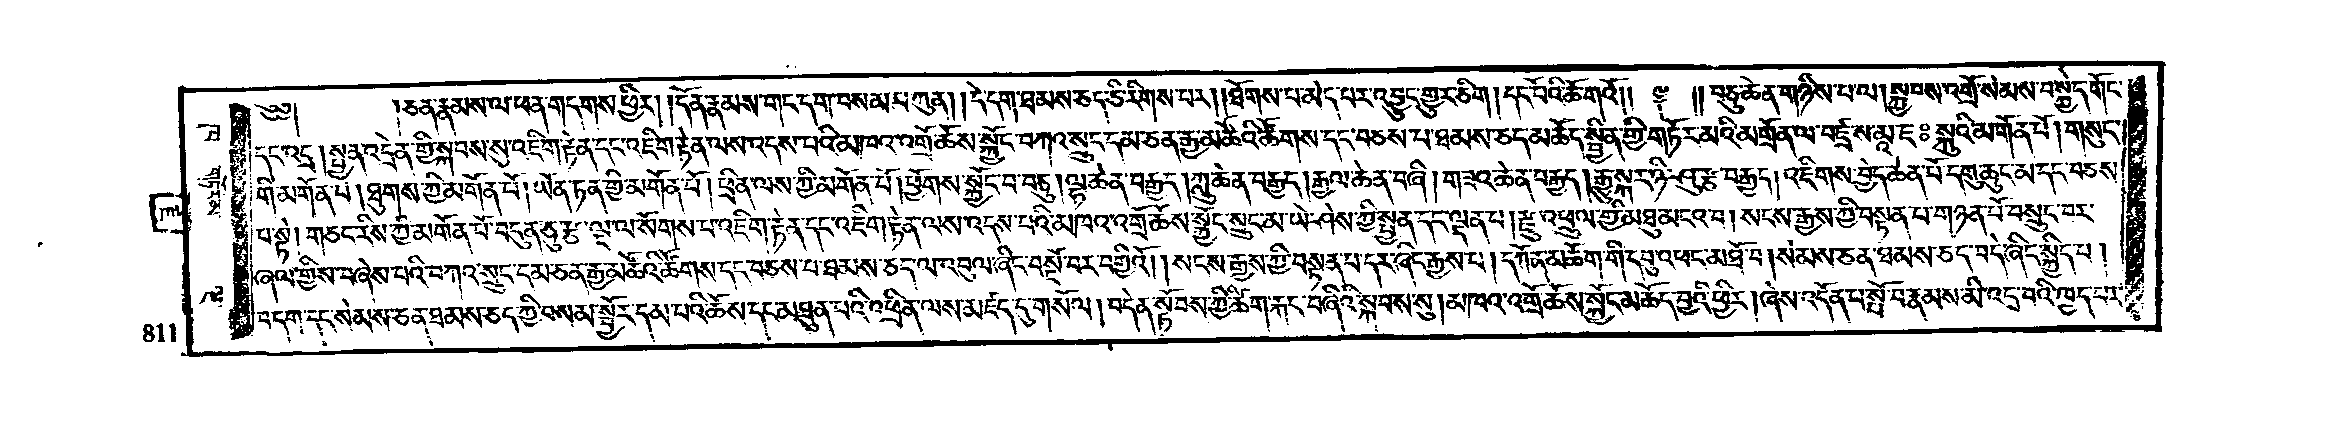༄༅། །ཅན་རྣམས་ལ་ཕན་གདགས་ཕྱིར། །དོན་རྣམས་གང་དག་བསམ་པ་ཀུན། །དེ་དག་ཐམས་ཅད་ཅི་རིགས་པར། །ཐོགས་པ་མེད་པར་འབྱུང་གྱུར་ཅིག །དང་པོའི་ཆོ་གའོ།། ༈ །།བཅུ་ཚན་གཉིས་པ་ལ། སྐྱབས་འགྲོ་སེམས་བསྐྱེད་གོང་
དང་འདྲ། སྤྱན་འདྲེན་གྱི་སྐབས་སུ་འཇིག་རྟེན་དང་འཇིག་རྟེན་ལས་འདས་པའི་མཁའ་འགྲོ་ཆོས་སྐྱོང་བཀའ་སྲུང་དམ་ཅན་རྒྱ་མཚོའི་ཚོགས་དང་བཅས་པ་ཐམས་ཅད་མཆོད་སྦྱིན་གྱི་གཏོར་མའི་མགྲོན་ལ་བཛྲ་ས་མཱ་ཛཿ སྐུའི་མགོན་པོ། གསུང་
གི་མགོན་པོ། ཐུགས་ཀྱི་མགོན་པོ། ཡོན་ཏན་གྱི་མགོན་པོ། ཕྲིན་ལས་ཀྱི་མགོན་པོ། ཕྱོགས་སྐྱོང་བ་བཅུ། ལྷ་ཆེན་བརྒྱད་།ཀླུ་ཆེན་བརྒྱད། རྒྱལ་ཆེན་བཞི། གཟའ་ཆེན་བརྒྱད། རྒྱུ་སྐར་ཉི་ཤུ་རྩ་བརྒྱད། འཇིགས་བྱེད་ཆེན་པོ་དགུ་ཆུང་མ་དང་བཅས་
པ་སྟེ། གཅང་རིས་ཀྱི་མགོན་པོ་བདུན་ཅུ་རྩ་ལྔ་ལ་སོགས་པ་འཇིག་རྟེན་དང་འཇིག་རྟེན་ལས་འདས་པའི་མཁའ་འགྲོ་ཆོས་སྐྱོང་སྲུང་མ་ཡེ་ཤེས་ཀྱི་སྤྱན་དང་ལྡན་པ། རྫུ་འཕྲུལ་གྱི་མཐུ་མངའ་བ། སངས་རྒྱས་ཀྱི་བསྟན་པ་གཉན་པོ་བསྲུང་བར་
ཞལ་གྱིས་བཞེས་པའི་བཀའ་སྲུང་དམ་ཅན་རྒྱ་མཚོའི་ཚོགས་དང་བཅས་པ་ཐམས་ཅད་ལ་འབུལ་ཞིང་བསྔོ་བར་བགྱིའོ། །སངས་རྒྱས་ཀྱི་བསྟན་པ་དར་ཞིང་རྒྱས་པ། དཀོན་མཆོག་གི་དབུ་འཕང་མཐོ་བ། སེམས་ཅན་ཐམས་ཅད་བདེ་ཞིང་སྐྱེད་པ།
བདག་དང་སེམས་ཅན་ཐམས་ཅད་ཀྱི་བསམ་སྦྱོར་དམ་པའི་ཆོས་དང་མཐུན་པའི་འཕྲིན་ལས་མཛད་དུ་གསོལ། བདེན་སྟོབས་ཀྱི་ཚིག་རྐང་བཞིའི་སྐབས་སུ། མཁའ་འགྲོ་ཆོས་སྐྱོང་མཆོད་བྱའི་ཕྱིར། ཞེས་འདོན་པ་སྤོ་བ་རྣམས་མི་འདྲ་བའི་ཁྱད་པར་